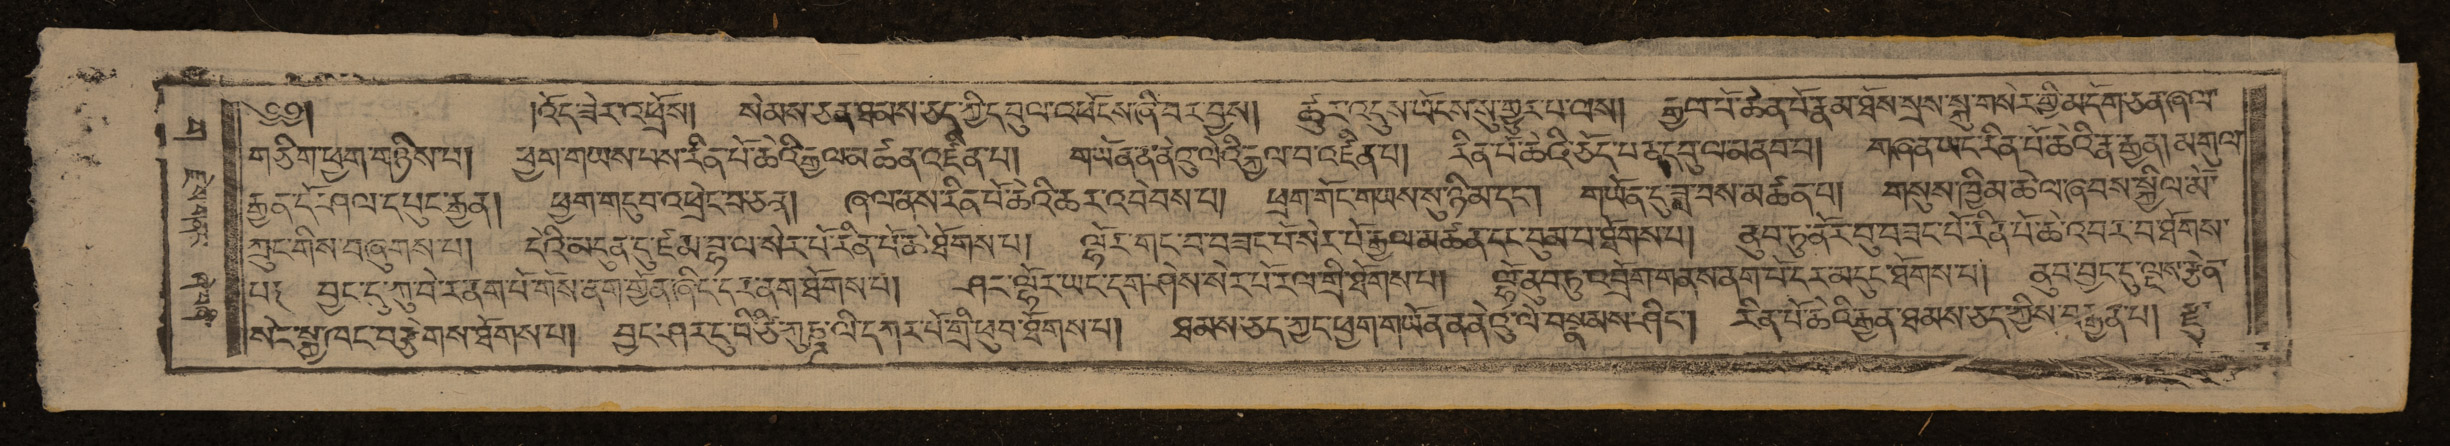༄༅། །འོད་ཟེར་འཕྲོས། སེམས་ཅན་ཐམས་ཅད་ཀྱི་དབུལ་འཕོངས་ཞི་བར་བྱས། ཚུར་འདུས་ཡོངས་སུ་གྱུར་པ་ལས། རྒྱལ་པོ་ཆེན་པོ་རྣམ་ཐོས་སྲས་སྐུ་གསེར་གྱི་མདོག་ཅན་ཞལ་
གཅིག་ཕྱག་གཉིས་པ། ཕྱག་གཡས་པས་རིན་པོ་ཆེའི་རྒྱལ་མཚན་འཛིན་པ། གཡོན་ན་ནེའུ་ལེའི་རྐྱལ་བ་འཛིན་པ། རིན་པོ་ཆེའི་ཅོད་པན་དབུ་ལ་མནབ་པ། གཞན་ཡང་རིན་པོ་ཆེའི་རྣ་རྒྱན། མགུལ་
རྒྱན་དོ་ཤལ་དཔུང་རྒྱན། ཕྱག་གདུབ་འཕྲེང་བ་ཅན། ཞལ་ནས་རིན་པོ་ཆེའི་ཆར་འབེབས་པ། ཕྲག་གོང་གཡས་སུ་ཉི་མ་དང་། གཡོན་དུ་ཟླ་བས་མཚན་པ། གསུས་ཁྱིམ་ཆེ་ལ་ཞབས་སྐྱིལ་མོ་
ཀྲུང་གིས་བཞུགས་པ། དེའི་མདུན་དུ་ཛམ་བྷ་ལ་སེར་པོ་རིན་པོ་ཆེ་ཐོགས་པ། ལྷོར་གང་བ་བཟང་པོ་སེར་པོ་རྒྱལ་མཚན་དང་བུམ་པ་ཐོགས་པ། ནུབ་ཏུ་ནོར་བུ་བཟང་པོ་རིན་པོ་ཆེ་འབར་བ་ཐོགས་
པ༑ བྱང་དུ་ཀུ་བེ་ར་ནག་པོ་གོས་ནག་གྱོན་ཞིང་དར་ནག་ཐོགས་པ། ཤར་ལྷོར་ཡང་དག་ཤེས་སེར་པོ་རལ་གྲི་ཐོགས་པ། ལྷོ་ནུབ་ཏུ་འབྲོག་གནས་ནག་པོ་ངར་མདུང་ཐོགས་པ། ནུབ་བྱང་དུ་ལྔས་རྩེན་
སེར་སྐྱ་ཁང་བརྩེགས་ཐོགས་པ། བྱང་ཤར་དུ་བི་ཙི་ཀུཎྜ་ལི་དཀར་པོ་གྲི་ཕུབ་ཐོགས་པ། ཐམས་ཅད་ཀྱང་ཕྱག་གཡོན་ན་ནེའུ་ལེ་བསྣམས་ཤིང་། རིན་པོ་ཆེའི་རྒྱན་ཐམས་ཅད་ཀྱིས་བརྒྱན་པ། རྫུ་